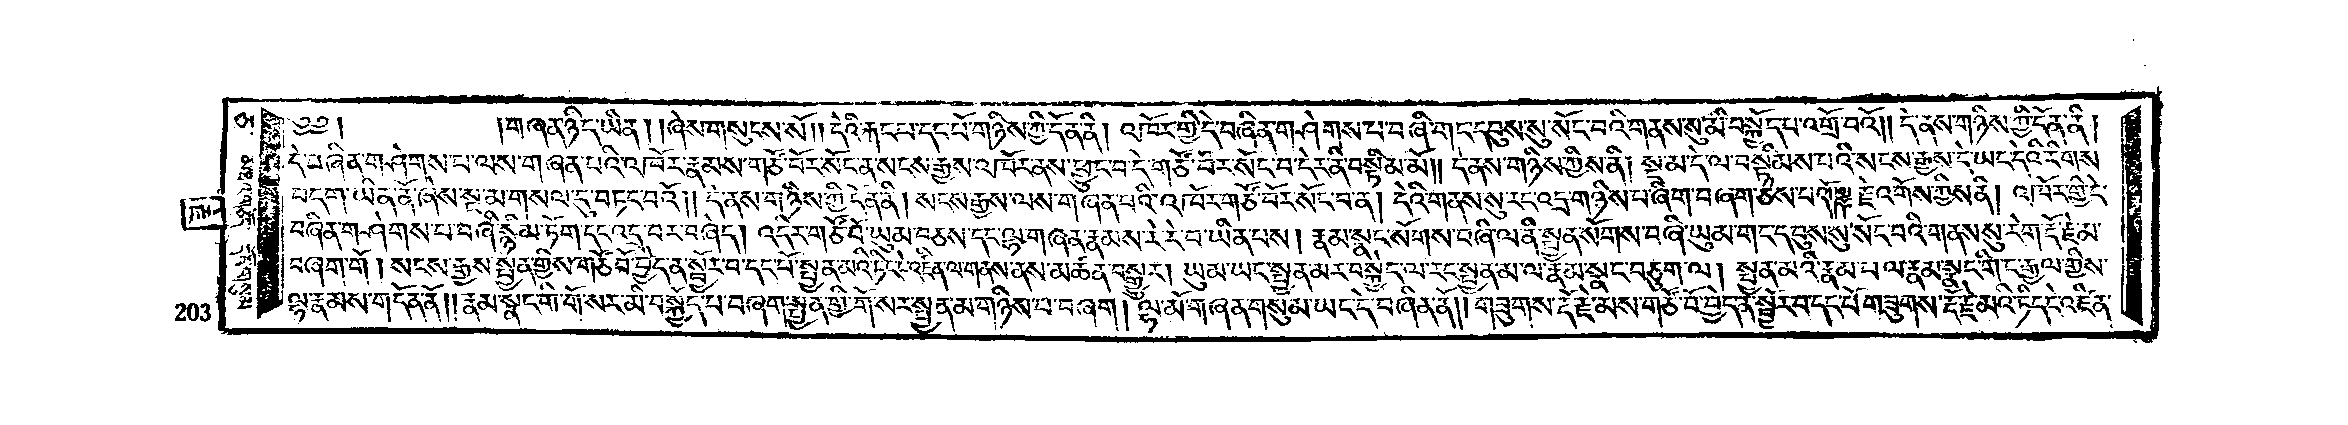༄༅། །གཞན་ཉིད་ཡིན། །ཞེས་གསུངས་སོ། །དེའི་རྐང་པ་དང་པོ་གཉིས་ཀྱི་དོན་ནི། འཁོར་གྱི་དེ་བཞིན་གཤེགས་པ་བཞི་གང་དབུས་སུ་སོང་བའི་གནས་སུ་མི་བསྐྱོད་པ་འགྲོ་བའོ། །དེ་ནས་གཉིས་ཀྱི་དོན་ནི།
དེ་བཞིན་གཤེགས་པ་ལས་གཞན་པའི་འཁོར་རྣམས་གཙོ་བོར་སོང་ན་སངས་རྒྱས་འཁོར་ནས་ཕྱུང་བ་དེ་གཙོ་བོར་སོང་བ་དེར་ནི་བསྟིམ་མོ། །དེ་ནས་གཉིས་ཀྱིས་ནི། སྔ་མ་དེ་ལ་བསྟིམས་པའི་སངས་རྒྱས་དེ་ཡང་དེའི་རིགས་
བདག་ཡིན་ནོ་ཞེས་སྔ་མ་གསལ་དུ་བཏང་བའོ། །དེ་ནས་གཉིས་ཀྱི་དོན་ནི། སངས་རྒྱས་ལས་གཞན་པའི་འཁོར་གཙོ་བོར་སོང་བ་ན། དེའི་གནས་སུ་རང་འདྲ་གཉིས་པ་ཞིག་བཞག་ཅེས་པའོ།། ༈ རྗེ་འགོས་ཀྱིས་ནི། འཁོར་གྱི་དེ་
བཞིན་གཤེགས་པ་བཞི་སྙིམ་ཏོག་དང་འདྲ་བར་བཞེད། འདིར་གཙོ་བོ་ཡུམ་བཅས་དང་ལྷ་གཞན་རྣམས་རེ་རེ་བ་ཡིན་པས། རྣམ་སྣང་སོགས་བཞི་ལ་ནི་སྤྱན་སོགས་བཞི་ཡུམ་གང་དབུས་སུ་སོང་བའི་གནས་སུ་རེག་རྡོ་རྗེ་མ་
བཞག་གོ །སངས་རྒྱས་སྤྱན་གྱིས་གཙོ་བོ་བྱེད་ན་སྦྱོར་བ་དང་པོ་སྤྱན་མའི་ཏིང་ངེ་འཛིན་ལ་གནས་ནས་མཚན་བསྒྱུར། ཡུམ་ཡང་སྤྱན་མར་བསྐྱེད་ལ་རང་སྤྱན་མ་ལ་རྣམ་སྣང་བཅུག་ལ། སྤྱན་མའི་རྣམ་པ་ལ་རྣམ་སྣང་གི་ང་རྒྱལ་གྱིས་
ལྷ་རྣམས་གདོན་ནོ། །རྣམ་སྣང་གི་གོ་སར་མི་བསྐྱོད་པ་བཞག་སྤྱན་གྱི་གོ་སར་སྤྱན་མ་གཉིས་པ་བཞག །ལྷ་མོ་གཞན་གསུམ་ཡང་དེ་བཞིན་ནོ། །གཟུགས་རྡོ་རྗེ་མས་གཙོ་བོ་བྱེད་ན་སྦྱོར་བ་དང་པོ་གཟུགས་རྡོ་རྗེ་མའི་ཏིང་ངེ་འཛིན་